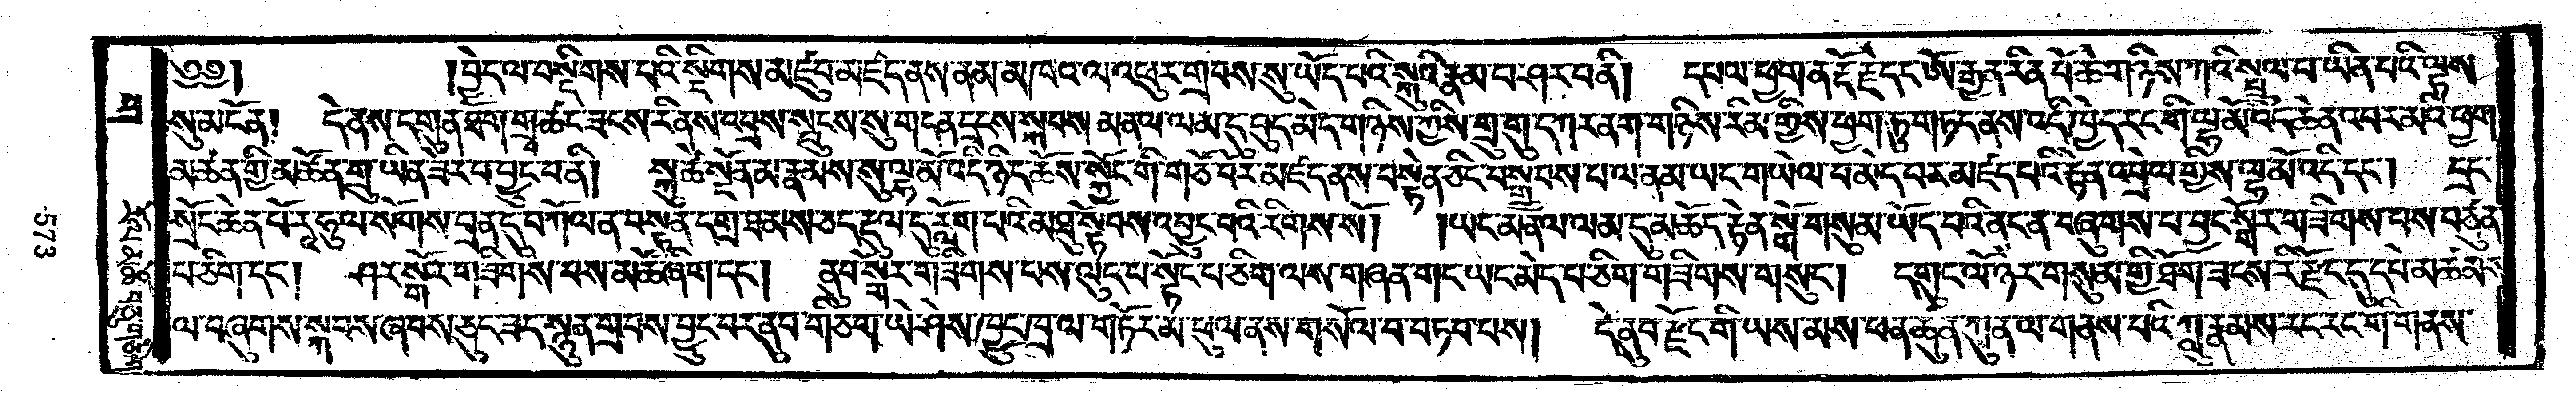༄༅། །བྱེད་ལ་བསྡིགས་པའི་སྡིགས་མཛུབ་མཛད་ནས་ནམ་མཁའ་ལ་འཕུར་གྲབས་སུ་ཡོད་པའི་སྐུའི་རྣམ་པ་ཤར་བ་ནི། དཔལ་ཕྱག་ན་རྡོ་རྗེ་དང་ཨོ་རྒྱན་རིན་པོ་ཆེ་གཉིས་ཀའི་སྤྲུལ་པ་ཡིན་པའི་ལྟས་
སུ་མངོན། དེ་ནས་དགུན་ཐོག་གྲྭ་ཚང་ཟངས་རི་ནས་འབྲས་སྤུངས་སུ་གདན་དྲངས་སྐབས། མནལ་ལམ་དུ་བུད་མེད་གཉིས་ཀྱིས་གྲུ་གུ་དཀར་ནག་གཉིས་རིམ་གྱིས་ཕྱག་ཏུ་གཏང་ནས་འདི་ཁྱེད་རང་གི་ལྷ་མོ་བདེ་ཆེན་འབར་མའི་ཕྱག་
མཚན་གྱི་མཚོན་གྲུ་ཡིན་ཟེར་བ་བྱུང་བ་ནི། སྐུ་ཚེ་སྔོན་མ་རྣམས་སུ་ལྷ་མོ་འདི་ཉིད་ཆོས་སྐྱོང་གི་གཙོ་བོར་མཛད་ནས་བསྟེན་ཅིང་བསྒྲུབས་པ་ལ་ནམ་ཡང་གཡེལ་བ་མེད་པར་མདད་པའི་རྟེན་འབྲེལ་གྱིས་ལྷ་མོ་འདི་དང་། དྲང་
སྲོང་ཆེན་པོ་རཱ་ཧུ་ལ་སོགས་བྲན་དུ་བཀོལ་ན་བསྟན་དགྲ་ཐམས་ཅད་རྡུལ་དུ་རློག་པའི་མཐུ་སྟོབས་འབྱུང་བའི་རིགས་སོ། །ཡང་མནལ་ལམ་དུ་མཆོད་རྟེན་སྒོ་གསུམ་ཡོད་བའི་ནང་ན་བཞུགས་པ་བྱང་སྒོར་གཟིགས་པས་བཙུན་
པ་ཅིག་དང་། ཤར་སྒོར་གཟིགས་པས་མཚོ་ཞིག་དང་། ནུབ་སྒོར་གཟིགས་པས་ལུང་པ་སྟོང་པ་ཅིག་ལས་གཞན་གང་ཡང་མེད་པ་ཅིག་གཟིགས་གསུང་། དགུང་ལོ་ཉེར་གསུམ་གྱི་ཐོག་ཟངས་རི་རྫོང་དུ་དཔེ་མཚམས་
ལ་བཞུགས་སྐབས་ཞབས་ཅུང་ཟད་སྙུན་གྲབས་བྱུང་བར་ནུབ་གཅིག་ཡེ་ཤེས་ཁྱུང་ཁྲ་ལ་གཏོར་མ་ཕུལ་ནས་གསོལ་བ་བཏབ་པས། དེ་ནུབ་རྫོང་གི་ཡས་མས་ཕན་ཆུན་ཀུན་ལ་གནས་པའི་ཀླུ་རྣམས་རང་རང་གི་གནས་